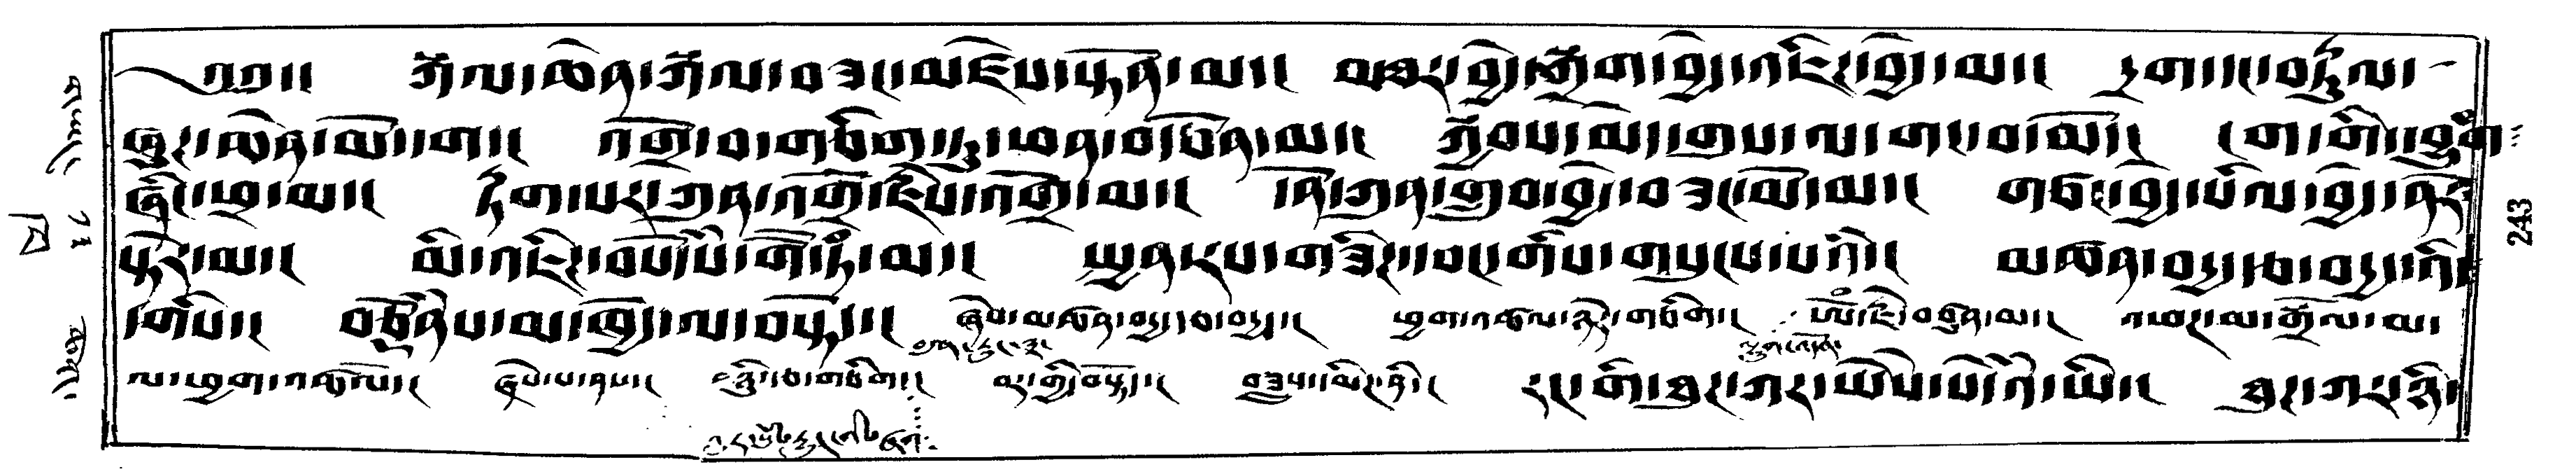སྐལ་ཆེན་སྐལ་བཟང་མཛེས་སྟོན་མ། །མཐར་བྱེད་སྒྲག་བྱེད་འཇིགས་བྱེད་མ། །དྲག་དང་བརྟུལ་
ཞུགས་ཆེན་མོ་དག། །འགྲོ་བ་གཅིག་ཏུ་ཕན་བརྩོན་མ། །སྐྱབས་མེད་གུས་ལ་གང་བ་མོ། །ངག་གི་དབང་ཕྱུག་
ཞིང་ཕྲ་མ། །རྟག་པར་ཀུན་འགྲོ་རྗེས་འགྲོ་མ། །དོན་ཀུན་གྲུབ་བྱེད་བཟང་མོ་མ། །གཙང་བྱེད་སིལ་བྱེད་ནོར་
སྟོར་མ། །མི་འཇིགས་བསོད་ནམས་གཽ་ཏ་མ། །སྤྱན་རས་གཟིགས་དབང་གིས་གསུངས་པའི། །མཚན་བརྒྱད་རྩ་བརྒྱད་འདི་
དག་གིས། །བཅོམ་ལྡན་འདས་མ་ཁྱོད་ལ་བསྟོད། ། ཅེས་མཚན་བརྒྱ་ད་རྩ་བརྒྱད། ཕྱག་འཚལ་ཉེར་གཅིག ལྷུག་འདོན། ཨོཾ་རྗེ་བཙུན་མ། །འཕགས་མ་སྒྲོལ་མ་
ལ་ཕྱག་འཚལ་ལོ།། ཞེས་པ་ནས། ཉི་ཤུ་རྩ་གཅིག བར་གྱི་བསྟོད། བཟླས་དམིགས་ནི། རང་གི་ཐུགས་ཀར་ཡེ་ཤེས་སེམས་དཔའ་ཡི། །ཐུགས་ཀར་ཉི་